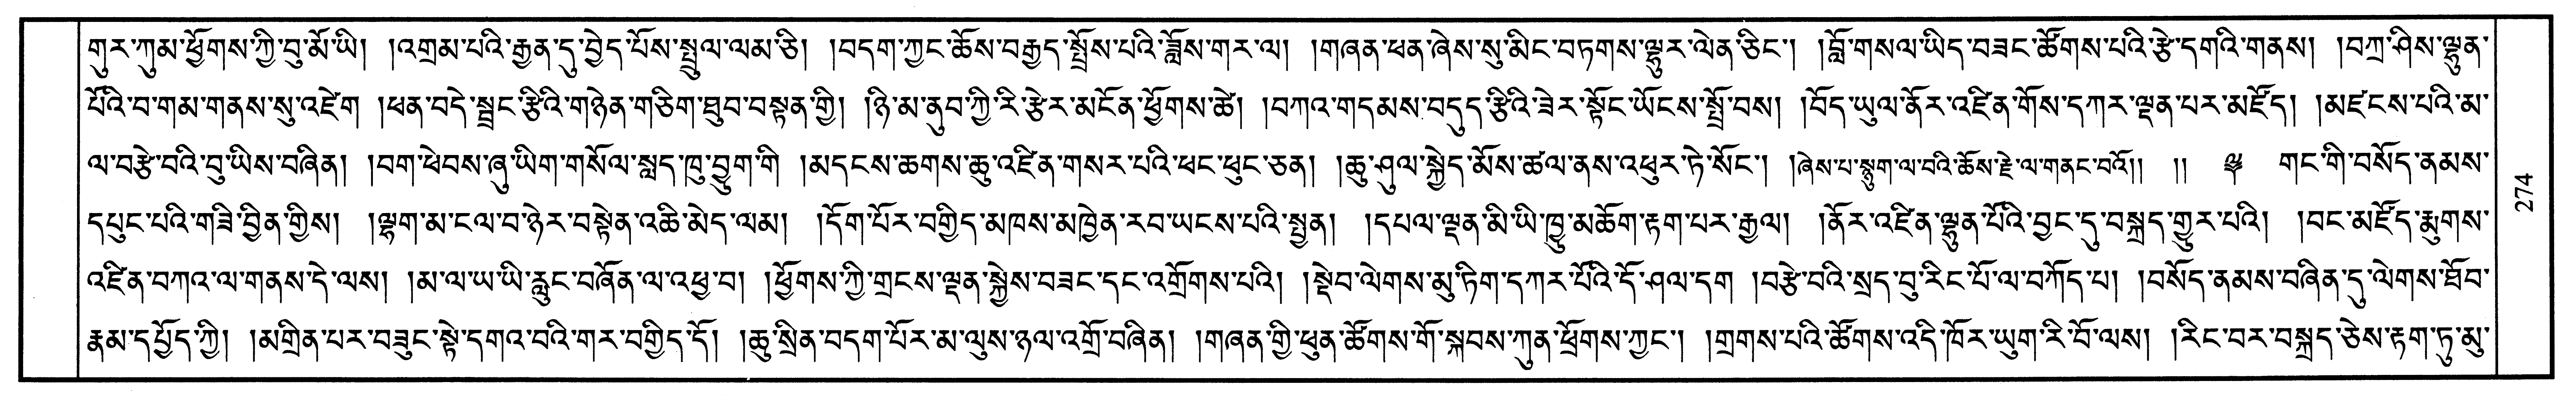གུར་ཀུམ་ཕྱོགས་ཀྱི་བུ་མོ་ཡི། །འགྲམ་པའི་རྒྱན་དུ་བྱེད་པོས་སྤྲུལ་ལམ་ཅི། །བདག་ཀྱང་ཆོས་བརྒྱད་སྤྲོས་པའི་ཟློས་གར་ལ། །གཞན་ཕན་ཞེས་སུ་མིང་བཏགས་ལྷུར་ལེན་ཅིང་། །བློ་གསལ་ཡིད་བཟང་ཚོགས་པའི་རྩེ་དགའི་གནས། །བཀྲ་ཤིས་ལྷུན་
པོའི་བ་གམ་གནས་སུ་འཛེག །ཕན་བདེ་སྦྲང་རྩིའི་གཉེན་གཅིག་ཐུབ་བསྟན་གྱི། །ཉི་མ་ནུབ་ཀྱི་རི་རྩེར་མངོན་ཕྱོགས་ཚེ། །བཀའ་གདམས་བདུད་རྩིའི་ཟེར་སྟོང་ཡོངས་སྤྲོ་བས། །བོད་ཡུལ་ནོར་འཛིན་གོས་དཀར་ལྡན་པར་མཛོད། །མཛངས་པའི་མ་
ལ་བརྩེ་བའི་བུ་ཡིས་བཞིན། །བག་ཕེབས་ཞུ་ཡིག་གསོལ་སླད་ཁུ་བྱུག་གི །མདངས་ཆགས་ཆུ་འཛིན་གསར་པའི་ཕང་ཕུང་ཅན། །ཆུ་ཤུལ་སྐྱེད་མོས་ཚལ་ནས་འཕུར་ཏེ་སོང་། །ཞེས་པ་སྙུག་ལ་བའི་ཆོས་རྗེ་ལ་གནང་བའོ།། །། ༈ གང་གི་བསོད་ནམས་
དཔུང་པའི་གཟི་བྱིན་གྱིས། །ལྷག་མ་ངལ་བ་ཉེར་བསྟེན་འཆི་མེད་ལམ། །དོག་པོར་བགྱིད་མཁས་མཁྱེན་རབ་ཡངས་པའི་སྤྱན། །དཔལ་ལྡན་མི་ཡི་ཁྱུ་མཆོག་རྟག་པར་རྒྱལ། །ནོར་འཛིན་ལྷུན་པོའི་བྱང་དུ་བསྐྲད་གྱུར་པའི། །བང་མཛོད་རྨུགས་
འཛིན་བཀའ་ལ་གནས་དེ་ལས། །མ་ལ་ཡ་ཡི་རླུང་བཞོན་ལ་འཕྱ་བ། །ཕྱོགས་ཀྱི་གྲངས་ལྡན་སྐྱེས་བཟང་དང་འགྲོགས་པའི། །སྡེབ་ལེགས་མུ་ཏིག་དཀར་པོའི་དོ་ཤལ་དག །བརྩེ་བའི་སྲད་བུ་རིང་པོ་ལ་བཀོད་པ། །བསོད་ནམས་བཞིན་དུ་ལེགས་ཐོབ་
རྣམ་དཔྱོད་ཀྱི། །མགྲིན་པར་བཟུང་སྟེ་དགའ་བའི་གར་བགྱིད་དོ། །ཆུ་སྲིན་བདག་པོར་མ་ལུས་ཉལ་འགྲོ་བཞིན། །གཞན་གྱི་ཕུན་ཚོགས་གོ་སྐབས་ཀུན་ཕྲོགས་ཀྱང་། །གྲགས་པའི་ཚོགས་འདི་ཁོར་ཡུག་རི་བོ་ལས། །རིང་བར་བསྐྲད་ཅེས་རྟག་ཏུ་མུ་